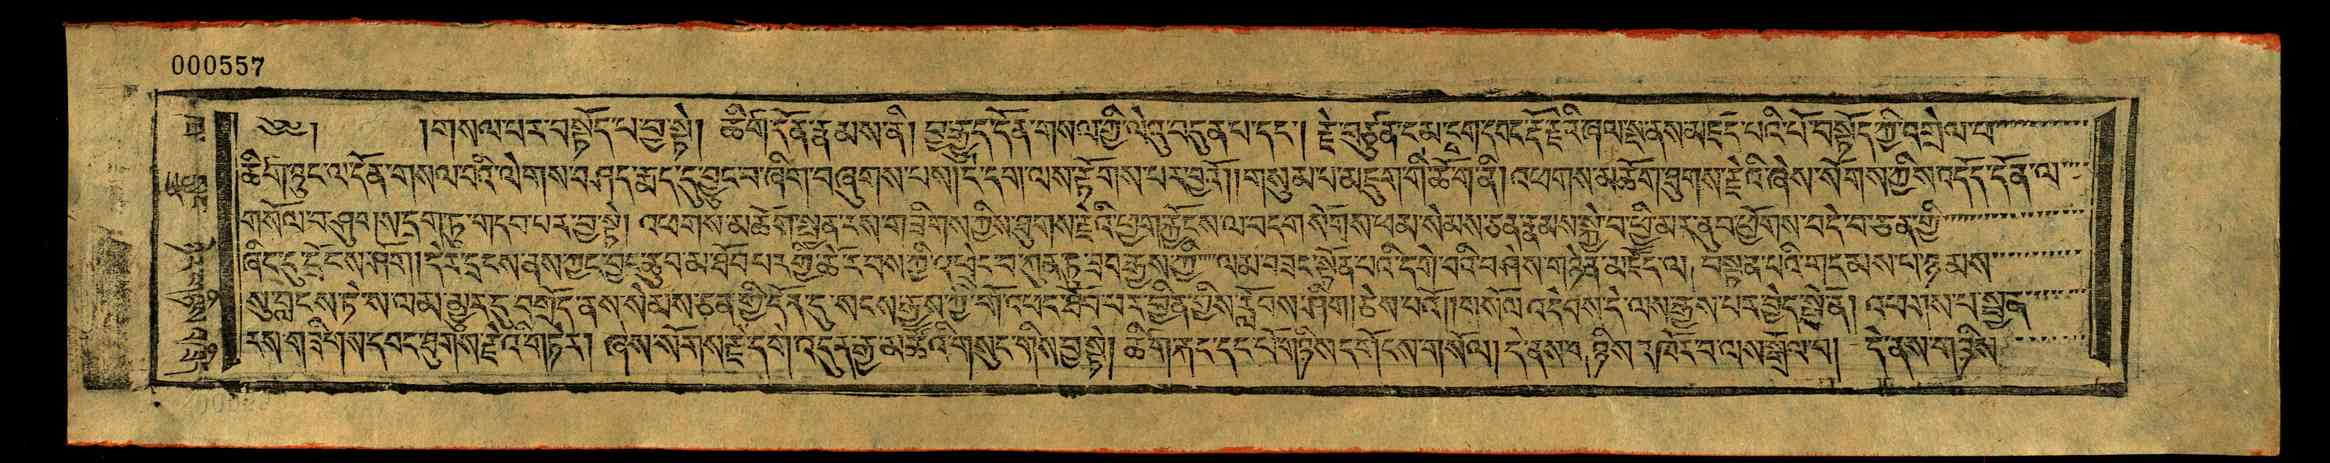༄༅། །གསལ་བར་བསྟོད་བར་བྱ་སྟེ། ཚིག་དོན་རྣམས་ནི། བྱ་རྒྱུད་དོན་གསལ་གྱི་ལེའུ་བདུན་པ་དང་། རྗེ་བཙུན་དམ་པ་ངག་དབང་རྡོ་རྗེའི་ཞལ་སྔ་ནས་མཛད་པའི་པོ་བསྟོད་ཀྱི་འགྲེལ་པ་
ཚིག་ཉུང་ལ་དོན་གསལ་པའི་ལེགས་བཤད་རྨད་དུ་བྱུང་བ་ཞིག་བཞུགས་པས། དེ་དག་ལས་རྟོགས་པར་བྱའོ། །གསུམ་པ་མཇུག་གི་ཆོ་ག་ནི། འཕགས་མཆོག་ཐུགས་རྗེའི་ཞེས་སོགས་ཀྱིས་འདོད་དོན་ལ་
གསོལ་བ་ཤུགས་དྲག་ཏུ་གདབ་པར་བྱ་སྟེ། འཕགས་མཆོག་སྤྱན་རས་གཟིགས་ཀྱིས་ཐུགས་རྗེའི་ཕྱག་རྐྱོངས་ལ་བདག་སོགས་ཕམ་སེམས་ཅན་རྣམས་སྐྱེ་བ་ཕྱི་མར་ནུབ་ཕྱོགས་བདེ་བ་ཅན་གྱི་
ཞིང་དུ་དྲོངས་ཤིག །དེར་དྲངས་ནས་ཀྱང་བྱང་ཆུབ་མ་ཐོབ་བར་གྱི་ཚེ་རབས་ཀྱི་འཕྲེང་བ་ཀུན་ཏུ་ཟབ་རྒྱས་ཀྱི་ལམ་བཟང་སྟོན་པའི་དགེ་བའི་བཤེས་གཉེན་མཛོད་ལ། བསྟན་པའི་གདམས་པ་སྙམས་
སུ་བླངས་ཏེ་ས་ལམ་མྱུང་དུ་བགྲོད་ནས་སེམས་ཅན་གྱི་དོན་དུ་སངས་རྒྱས་ཀྱི་གོ་འཕང་ཐོབ་པར་བྱིན་གྱིས་རློབས་ཤིག །ཅེས་པའོ། །གསོལ་འདེབས་དེ་ལས་རྒྱས་པར་བྱེད་སྤྲོན། འཕགས་པ་སྤྱན་
རས་གཟིགས་དབང་ཐུགས་རྗེའི་གཏེར། ཞེས་སོགས་རྗེ་དགེ་འདུན་རྒྱ་མཚོའི་གསུང་གིས་བྱ་སྟེ། ཚིག་རྐང་དང་པོ་གཉིས་དགོངས་གསོལ། དེ་ནས་གཉིས་འཁོར་བ་ལས་སྒྲོལ་བ། དེ་ནས་གཉིས་